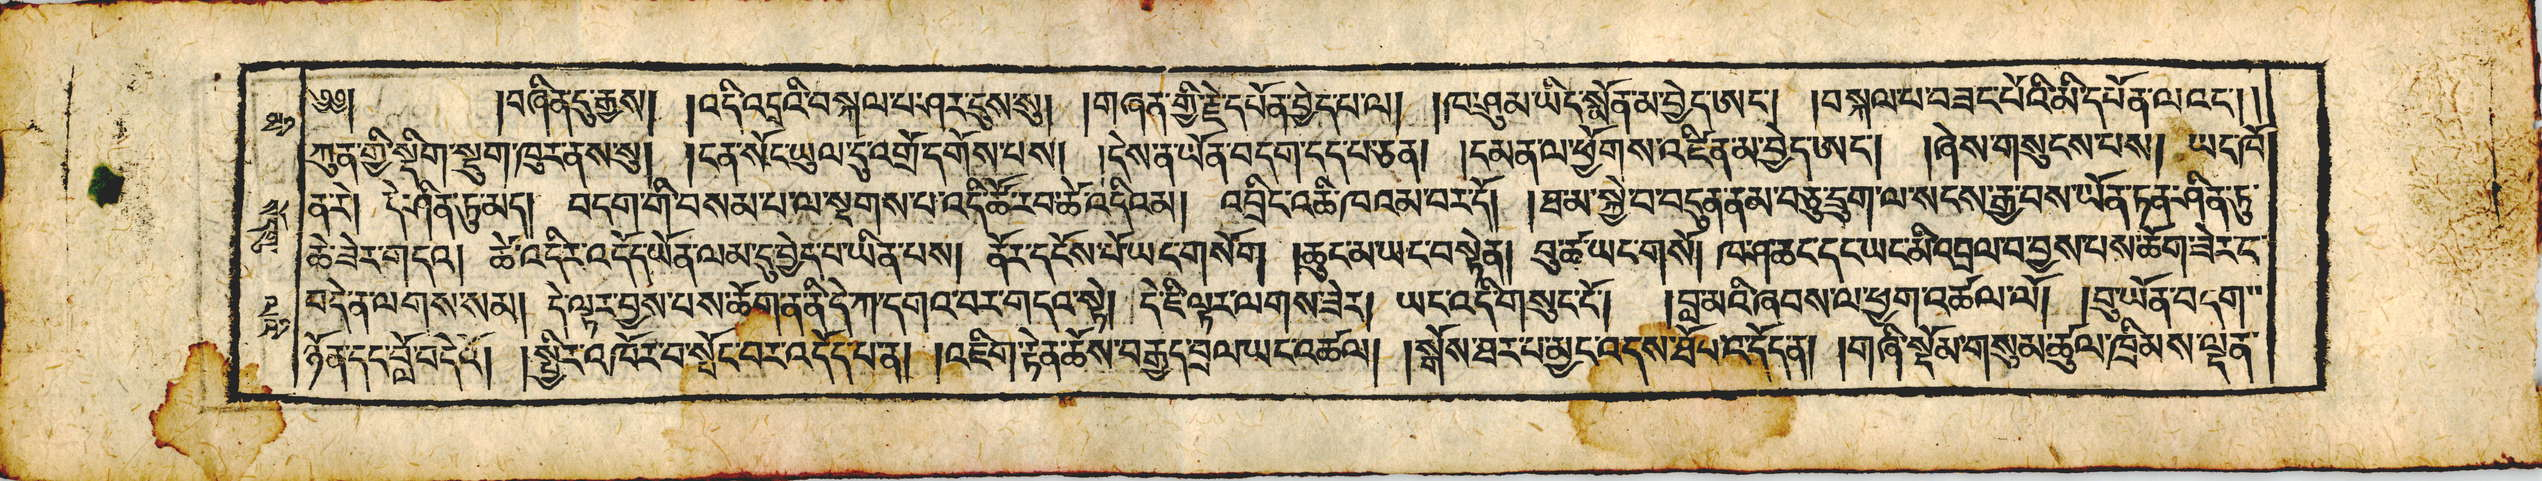།བཞིན་དུ་རྒྱས། །འདི་འདྲའི་བསྐལ་པ་ཤར་དུས་སུ། །གཞན་གྱི་རྗེ་དཔོན་བྱེད་པ་ལ། །ཁ་ཤུམ་ཡིད་སྨོན་མ་བྱེད་ཨང་། །བསྐལ་པ་བཟང་པོའི་མི་དཔོན་ལའང་། །
ཀུན་གྱི་སྡིག་སྡུག་ཁུར་ནས་སུ། །ངན་སོང་ཡུལ་དུ་འགྲོ་དགོས་པས། །དེས་ན་ཡོན་བདག་དད་པ་ཅན། །དམན་ལ་ཕྱོགས་འཛིན་མ་བྱེད་ཨང་། །ཞེས་གསུངས་པས། ཡང་ཁོ།
ན་རེ། དེ་ཤིན་ཏུ་མད། བདག་གི་བསམ་པ་ལ་སྔགས་པ་འདི་ཚོ་རབ་ཚེ་འདིའམ། འབྲིང་འཆི་ཁའམ་བར་དོ། །ཐ་མ་སྐྱེ་བ་བདུན་ནམ་བཅུ་དྲུག་ལ་སངས་རྒྱ་བས་ཡོན་ཏན་ཤིན་ཏུ་
ཆེ་ཟེར་གདའ། ཚེ་འདིར་འདོད་ཡོན་ལམ་དུ་བྱེད་པ་ཡིན་པས། ནོར་དངོས་པོ་ཡང་གསོག །ཆུང་མ་ཡང་བསྟེན། བུ་ཚྭ་ཡང་གསོ། ཁ་ཤ་ཆང་དང་ཡང་མི་འབྲལ་བ་བྱས་པས་ཆོག་ཟེར་བ་
བདེན་ལགས་སམ། དེ་ལྟར་བྱས་པས་ཆོག་ན་ནི་དེ་ཀ་དགའ་བར་གདའ་སྟེ། དེ་ཇི་ལྟར་ལགས་ཟེར། ཡང་འདི་གསུང་ངོ་། །བླ་མའི་ཞབས་ལ་ཕྱག་འཚལ་ལོ། །བུ་ཡོན་བདག་
ཉོན་དང་བློ་བདེའོ། །སྤྱིར་འཁོར་བ་སྤོང་བར་འདོད་པ་ན། །འཇིག་རྟེན་ཆོས་བརྒྱད་བྲལ་ཡང་འཚལ། །སྒོས་ཐར་པ་མྱང་འདས་ཐོབ་འདོད་ན། །གཞི་སྡོམ་གསུམ་ཚུལ་ཁྲིམས་ལྡན་